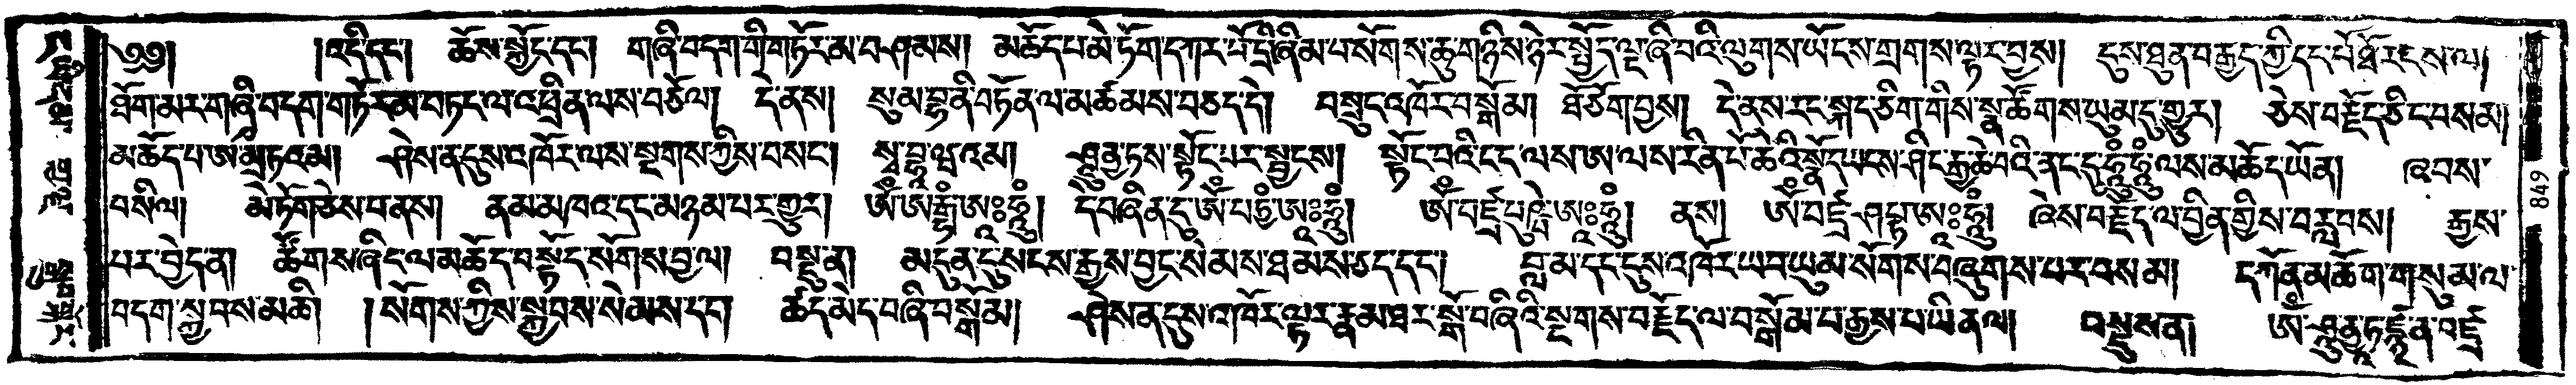༄༅། །འདི་དང་། ཆོས་སྐྱོང་དང་། གཞི་བདག་གི་གཏོར་མ་བཤམས། མཆོད་པ་མེ་ཏོག་དཀར་པོ་དྲི་ཞིམ་པ་སོགས་ཆུ་གཉིས་ཉེར་སྤྱོད་ལྔ་ཞི་བའི་ལུགས་ཡོངས་གྲགས་ལྟར་བྱས། དུས་ཐུན་བརྒྱད་ཀྱི་དང་པོ་ཐོ་རངས་ལ།
ཐོག་མར་གཞི་བདག་གཏོར་མ་བཏང་ལ་འཕྲིན་ལས་བཅོལ། དེ་ནས། སུམ་བྷ་ནི་བཏོན་ལ་མཚམས་བཅད་དེ། བསྲུང་འཁོར་བསྒོམ། ཐོ་ཅོག་བྱས། དེ་ནས་རང་སྐད་ཅིག་གིས་སྣ་ཚོགས་ཡུམ་དུ་གྱུར། ཅེས་བརྗོད་ཅིང་བསམ།
མཆོད་པ་ཨ་མྲྀ་ཏའམ། ཤེས་ན་དུས་འཁོར་ལས་སྔགས་ཀྱིས་བསང་། སྭ་བྷཱ་ཝའཾ། ཤཱུཉ་ཏས་སྟོང་པར་སྦྱངས། སྟོང་པའི་དད་ལས་ཨ་ལ་སྲིན་པོ་ཆེའི་སྣོད་ཡངས་ཤིང་རྒྱ་ཆེའི་སྣོད་ཡངས་ཞིང་རྒྱ་ཆེ་བའི་ནང་དུ་ཧཱུཾ་ཧཱུཾ་ལས་མཆོག་ཡོན། ཞབས་
བསིལ། མེ་ཏོག་ཅེས་པ་ནས། ནམ་མཁའ་དང་མཉམ་པར་གྱུར། ཨོཾ་ཨརྒྷཾ་ཨཱཿ ཧཱུཾ། དེ་བཞིན་དུ་ཨོཾ་པདྱཾ་ཨཱཿ ཧཱུཾ། ཨོཾ་བྫྲ་པུཥེཔ་ཨཱཿ ཧཱུཾ། ནས། ཨོཾ་བྫྲ་ཤཔྟ་ཨཱཿ ཧཱུཾ། ཞེས་བརྗོད་ལ་བྱིན་གྱིས་བརླབས། རྒྱས་
པར་བྱེད་ན། ཚོགས་ཞིང་ལ་མཆོད་བསྟོད་སོགས་བྱ་ལ། བསྡུ་ན། མདུན་དུ་སངས་རྒྱས་བྱང་སེམས་ཐམས་ཅད་དང་། བླ་མ་དང་དུས་འཁོར་ཡབ་ཡུམ་སོགས་བཞུགས་པར་བསམ། དཀོན་མཆོག་གསུམ་ལ་
བདག་སྐྱབས་མཆི། །སོགས་ཀྱིས་སྐྱབས་སེམས་དང་། ཚད་མེད་བཞི་བསྒོམ། ཤེས་ན་དུས་འཁོར་ལྟར་རྣམ་ཐར་སྒོ་བཞིའི་སྔགས་བརྗོད་ལ་བསྒོམ་པ་རྒྱས་པ་ཡིན་ལ། བསྡུས་ན། ཨོཾ་ཤཱུ་ནྱ་ཏ་ཛྙཱ་ན་བྫྲ་